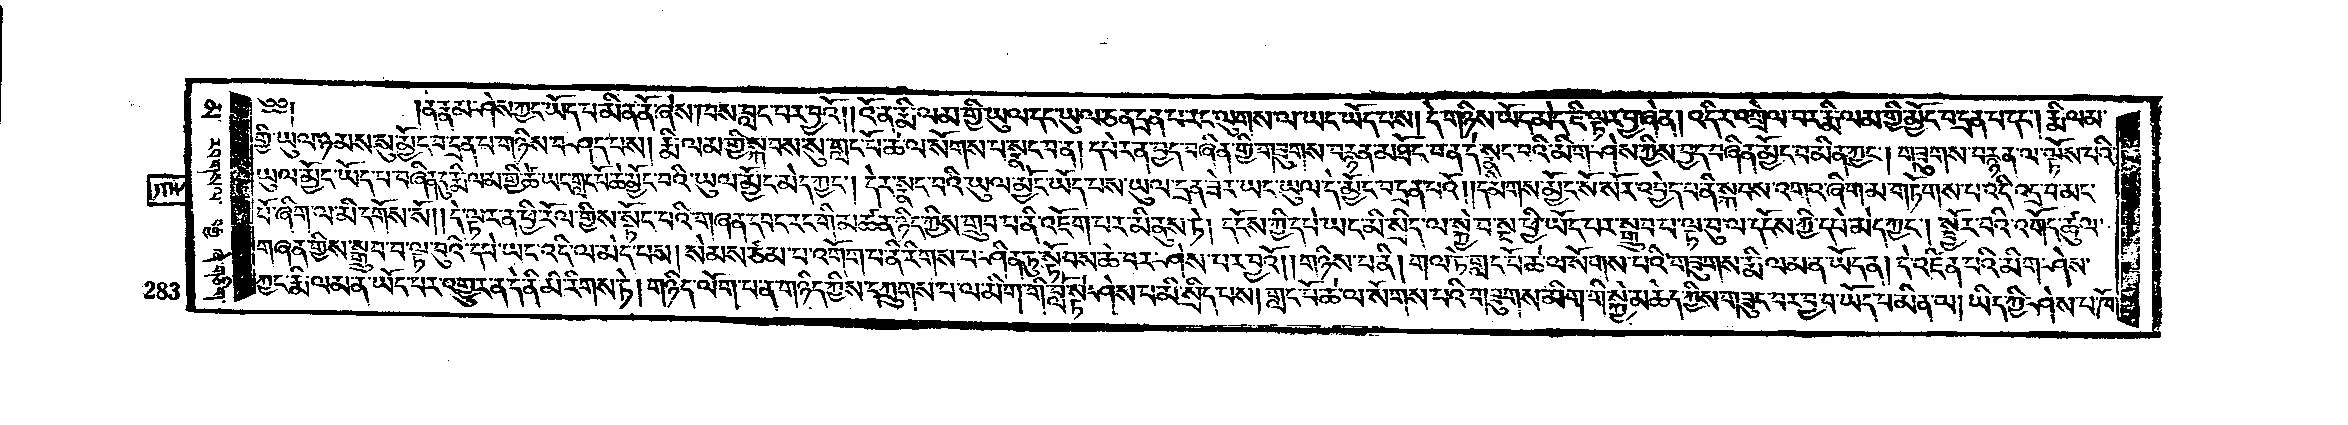༄༅། །ན་རྣམ་ཤེས་ཀྱང་ཡོད་པ་མིན་ནོ་ཞེས་ཁས་བླང་བར་བྱའོ། །འོ་ན་རྨི་ལམ་གྱི་ཡུལ་དང་ཡུལ་ཅན་དྲན་པ་རང་ལུགས་ལ་ཡང་ཡོད་པས། དེ་གཉིས་ཡོད་མེད་ཇི་ལྟར་བྱ་ཞེ་ན། འདིར་འགྲེལ་བར་རྨི་ལམ་གྱི་མྱོང་བ་དྲན་པ་དང་། རྨི་ལམ་
གྱི་ཡུལ་ཉམས་སུ་མྱོང་བ་དྲན་པ་གཉིས་བཤད་པས། རྨི་ལམ་གྱི་སྐབས་སུ་གླང་པོ་ཆེ་ལ་སོགས་པ་སྣང་བ་ན། དཔེར་ན་བྱད་བཞིན་གྱི་གཟུགས་བརྙན་མཐོང་བ་ན་དེ་སྣང་བའི་མིག་ཤེས་ཀྱིས་བྱད་བཞིན་མྱོང་བ་མིན་ཀྱང་། གཟུགས་བརྙན་ལ་ལྟོས་པའི་
ཡུལ་མྱོང་ཡོད་པ་བཞིན་དུ་རྨི་ལམ་གྱི་ཚེ་ཡང་གླང་པོ་ཆེ་མྱོང་བའི་ཡུལ་མྱོང་མེད་ཀྱང་། དེར་སྣང་བའི་ཡུལ་མྱོང་ཡོད་པས་ཡུལ་དྲན་ཟེར་ཡང་ཡུལ་དེ་མྱོང་བ་དྲན་པའོ། །དམིགས་མྱོང་སོ་སོར་འབྱེད་པ་ནི་སྐབས་འགའ་ཞིག་མ་གཏོགས་པ་འདི་འདྲ་བ་མང་
པོ་ཞིག་ལ་མི་དགོས་སོ། །དེ་ལྟར་ན་ཕྱི་རོལ་གྱིས་སྟོང་པའི་གཞན་དབང་རང་གི་མཚན་ཉིད་ཀྱིས་གྲུབ་པ་ནི་འཇོག་པར་མི་ནུས་ཏེ། དངོས་ཀྱི་དཔེ་ཡང་མི་སྲིད་ལ་སྐྱེ་བ་སྔ་ཕྱི་ཡོད་པར་སྒྲུབ་པ་ལྟ་བུ་ལ་དངོས་ཀྱི་དཔེ་མེད་ཀྱང་། སྦྱོར་བའི་འགོད་ཚུལ་
གཞན་གྱིས་སྒྲུབ་པ་ལྟ་བུའི་དཔེ་ཡང་འདི་ལ་མེད་པས། སེམས་ཙམ་པ་འགོག་པ་ནི་རིགས་པ་ཤིན་ཏུ་སྟོབས་ཆེ་བར་ཤེས་པར་བྱའོ། །གཉིས་པ་ནི། གལ་ཏེ་གླང་པོ་ཆེ་ལ་སོགས་པའི་གཟུགས་རྨི་ལམ་ན་ཡོད་ན། དེ་འཛིན་པའི་མིག་ཤེས་
ཀྱང་རྨི་ལམ་ན་ཡོད་པར་འགྱུར་ན་དེ་ནི་མི་རིགས་ཏེ། གཉིད་ལོག་པ་ན་གཉིད་ཀྱིས་དཀྲུགས་པ་ལ་མིག་གི་བློ་སྟེ་ཤེས་པ་མི་སྲིད་པས། གླང་པོ་ཆེ་ལ་སོགས་པའི་གཟུགས་མིག་གི་སྐྱེ་མཆེད་ཀྱིས་གཟུང་བར་བྱ་བ་ཡོད་པ་མིན་ལ། ཡིད་ཀྱི་ཤེས་པ་ཁོ་